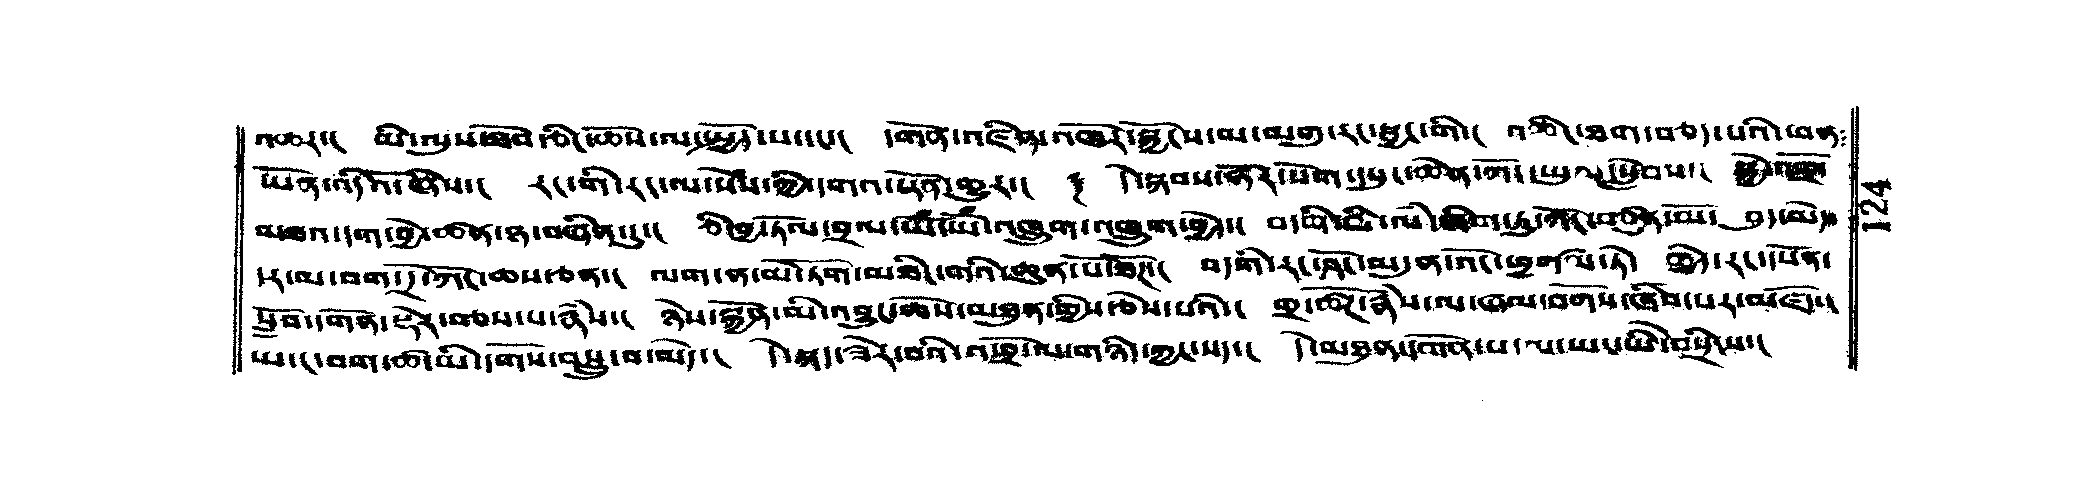འཆར། །མི་ལུས་ཐོབ་ཅིང་ཆོས་ལ་སྤྱོད་པ་དང་། །དགོན་འཛིན་འཁོར་སྐྱོང་མི་མགུ་རང་སྡུག་གི །འཆིང་ཐག་བཅད་པའི་ཕན་
ཡོན་འདིའོ་ཞེས། །རང་གི་རང་ལ་སེམས་ཀྱི་དགའ་སྟོན་གྱུར། །དེ་སྐབས་ཧོར་སོག་དཔུང་ཆེན་ཀོང་ཡུལ་སླེབས། །སྐྱེ་འགྲོ་
མཐའ་དག་བྱེ་ཚན་ཉ་བཞིན་དུ། །ཅི་བྱ་རྟོལ་བྲལ་ཡོམ་ཡོམ་འཁྲུག་འཁྲུག་བྱེད། །བདག་གི་རྨི་ལམ་ཞིག་ཏུ་ཀོང་བཙུན་མོ། །བུད་མེད་
དར་མ་བག་དྲོ་ཀོང་ཆས་ཅན། །ལག་ན་མེ་ཏོག་མཐིང་གའི་ཆུན་པོ་ཐོགས། །བདག་གི་རང་ཤོང་མདུན་འོངས་ཕྱག་འཚལ་ཏེ། །ཁྱེད་རང་དཔོན་
སློབ་དགོན་སྡེར་བཅས་པ་རྣམས། །ཉེས་སྐྱོན་མི་འབྱུང་ཆོས་མཐུན་གྱིས་ཅེས་པའི། །གྲྭ་ཚོགས་རྣམས་ལ་ཞལ་བཀོད་ཞིབ་པར་མཛོད། །
ཡ་ང་བག་ཚ་མི་དགོས་བསླུ་བ་མེད། །དེ་སྐད་ཟེར་བའི་འཕྲོ་ལ་གཉིད་ཀྱང་སད། །དེ་མཐུན་དགོན་པ་ལ་ཡང་ཡི་གེ་བསྲིངས།